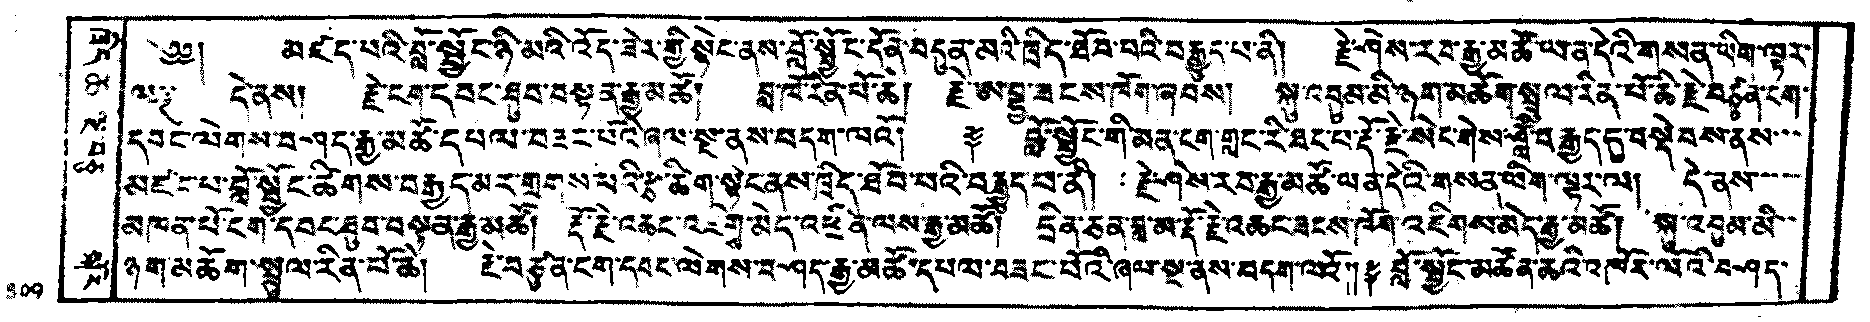༄༅། །མཛད་པའི་བློ་སྦྱོང་ཉི་མའི་འོད་ཟེར་གྱི་སྟེང་ནས་བློ་སྦྱོང་དོན་བདུན་མའི་ཁྲིད་ཐོབ་པའི་བརྒྱུད་པ་ནི། རྗེ་ཤེས་རབ་རྒྱ་མཚོ་ཡན་དེའི་གསན་ཡིག་ལྟར་
ལ༑ དེ་ནས། རྗེ་ངག་དབང་ཐུབ་བསྟན་རྒྱ་མཚོ། བླ་ཁོ་རིན་པོ་ཆེ། རྗེ་ཨ་བྷྱ་ཟངས་ཁོག་ཞབས། སྐུ་འབུམ་མི་ཉག་མཆོག་སྤྲུལ་རིན་པོ་ཆེ་རྗེ་བཙུན་ངག་
དབང་ལེགས་བཤད་རྒྱ་མཚོ་དཔལ་བཟང་པོའི་ཞལ་སྔ་ནས་བདག་ལའོ། ༈ བློ་སྦྱོང་གི་མན་ངག་གླང་རི་ཐང་པ་རྡོ་རྗེ་སེང་གེས་ཤླཽ་བརྒྱད་དུ་བསྡེབས་ནས་
མཛད་པ་བློ་སྦྱོང་ཚིགས་བརྒྱད་མར་གྲགས་པའི་རྩ་ཚིག་སྟང་ནས་ཁྲིད་ཐོབ་པའི་བརྒྱུད་པ་ནི། རྗེ་ཤེས་རབ་རྒྱ་མཚོ་ཡན་དེའི་གསན་ཡིག་ལྟར་ལ། དེ་ནས་
མཁན་པོ་ངག་དབང་ཐུབ་བསྟན་རྒྱ་མཚོ། རྡོ་རྗེ་འཆང་འཇིགས་མེད་འཕྲིན་ལས་རྒྱ་མཚོ། དྲིན་ཅན་བླ་མ་རྡོ་རྗེ་འཆང་ཟངས་ཁོག་འཇིགས་མེད་རྒྱ་མཚོ། སྐུ་འབུམ་མི་
ཉག་མཆོག་སྤྲུལ་རིན་པོ་ཆེ། རྗེ་བཙུན་ངག་དབང་ལེགས་བཤད་རྒྱ་མཚོ་དཔལ་བཟང་པོའི་ཞལ་སྔ་ནས་བདག་ལའོ།། ༈ བློ་སྦྱོང་མཚོན་ཆའི་འཁོར་ལོའི་བཤད་